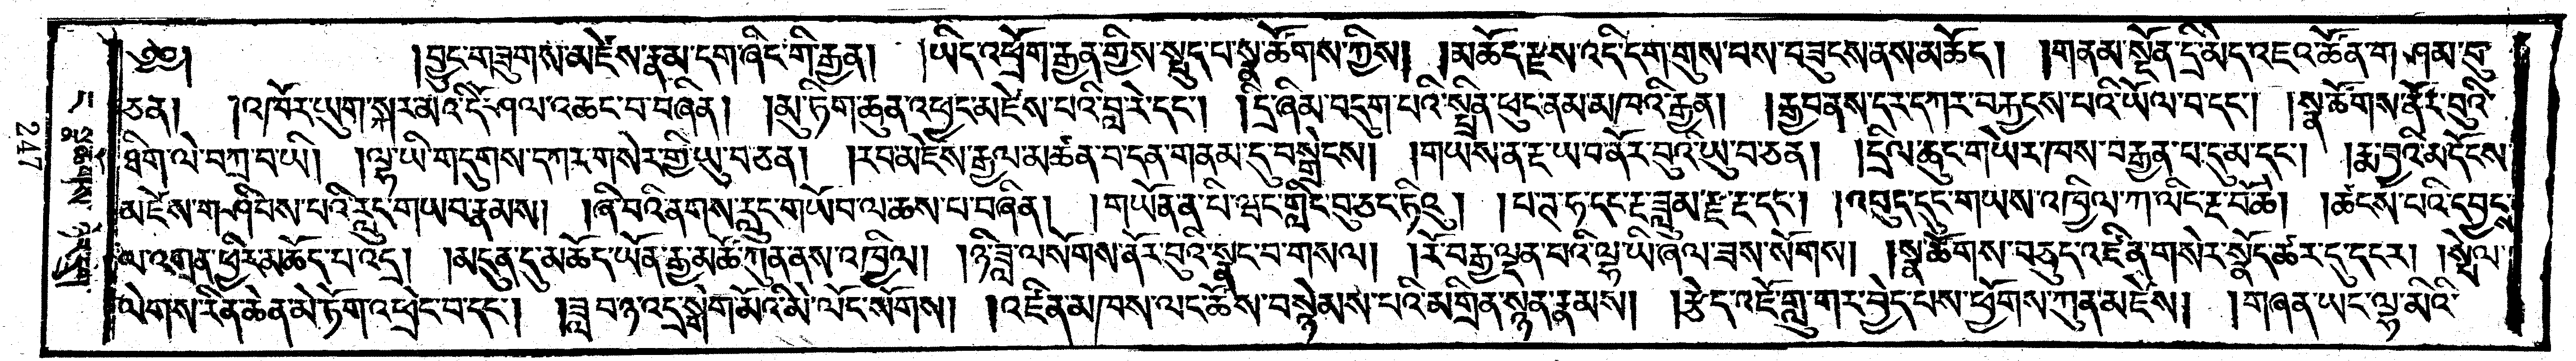༄༅། །བྱུང་གཟུགས་མཛེས་རྣམ་དག་ཞིང་གི་རྒྱན། །ཡིད་འཕྲོག་རྒྱན་གྱིས་སྤུད་པ་སྣ་ཚོགས་ཀྱིས། །མཆོད་རྫས་འདི་དག་གུས་བས་བཟུངས་ནས་མཆོད། །གནམ་སྔོན་དྲི་མེད་འཇའ་ཚོན་གཤམ་བུ་
ཅན། །འཁོར་ཡུག་སྐར་མའི་དོ་ཤལ་འཆང་བ་བཞིན། །མུ་ཏིག་ཆུན་འཕྱང་མཛེས་པའི་བླ་རེ་དང་། །དྲི་ཞིམ་བདུག་པའི་སྤྲིན་ཕུང་ནམ་མཁའི་རྒྱན། །རྒྱབ་ནས་དར་དཀར་བརྐྱངས་པའི་ཡོལ་བ་དང་། །སྣ་ཚོགས་ནོར་བུའི་
ཐིག་ལེ་བཀྲ་བ་ཡི། །ལྷ་ཡི་གདུགས་དཀར་གསེར་གྱི་ཡུ་བ་ཅན། །རབ་མཛེས་རྒྱལ་མཚན་བ་དན་གནམ་དུ་བསྒྲེངས། །གཡས་ན་རྡ་ཡ་བ་ནོར་བུའི་ཡུ་བ་ཅན། །དྲིལ་ཆུང་གཡེར་ཁས་བརྒྱན་པ་དུ་མ་དང་། །རྨ་བྱའི་མདོངས་
མཛེས་གཤིབས་པའི་རླུང་གཡབ་རྣམས། །ཞི་བའི་ནགས་རླུང་གཡོབ་ལ་ཆས་པ་བཞིན། །གཡོན་ན་པི་ཝང་གླིང་བུ་ཅང་ཏིའུ། །པ་ཊ་ཧ་དང་རྔ་ཟླུམ་རྫ་རྔ་དང་། །འབུད་དུང་གཡས་འཁྱིལ་ཀ་ལིང་རྔ་བོ་ཆེ། །ཚངས་པའི་དབྱངས་
ལ་འགྲན་ཕྱིར་མཆོད་པ་འདྲ། །མདུན་དུ་མཆོད་ཡོན་རྒྱ་མཚོ་ཀུན་ནས་འཁྱིལ། །ཉི་ཟླ་ལ་སོགས་ནོར་བུའི་སྣང་བ་གསལ། །རོ་བརྒྱ་ལྡན་པའི་ལྷ་ཡི་ཞལ་ཟས་སོགས། །སྣ་ཚོགས་བཅུད་འཛིན་གསེར་སྣོད་ཚར་དུ་དངར། །སྤེལ་
ལེགས་རིན་ཆེན་མེ་ཏོག་འཕྲེང་བ་དང་། །ཟླ་བ་ཉ་འདྲ་སྒེག་མོའི་མེ་ལོང་སོགས། །འཛིན་མཁས་ལང་ཆོས་བསྙེམས་པའི་མགྲིན་སྙན་རྣམས། །རྩེད་འཇོ་གླུ་གར་བྱེད་པས་ཕྱོགས་ཀུན་མཛེས། །གཞན་ཡང་ལྷ་མིའི་